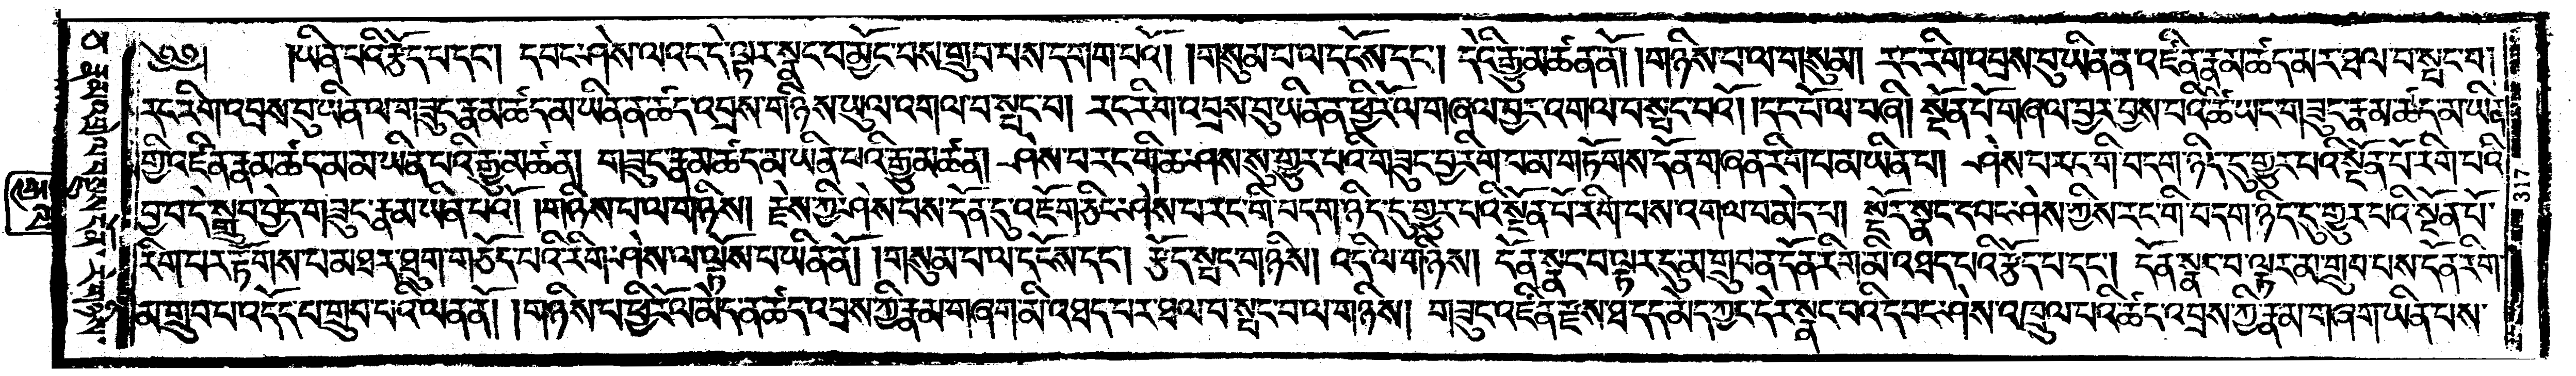༄༅། །ཡིན་པའི་རྩོད་པ་དང་། དབང་ཤེས་ལའང་དེ་ལྟར་སྣང་བ་མྱོང་བས་གྲུབ་པས་དགག་པའོ། །གསུམ་པ་ལ་དངོས་དང་། དེའི་རྒྱུ་མཚན་ནོ། །གཉིས་པ་ལ་གསུམ། རང་རིག་འབྲས་བུ་ཡིན་ན་འཛིན་རྣམ་ཚད་མར་ཐལ་བ་སྤང་བ།
རང་རིག་འབྲས་བུ་ཡིན་ལ་གཟུང་རྣམ་ཚད་མ་ཡིན་ན་ཚད་འབྲས་གཉིས་ཡུལ་འགལ་བ་སྤང་བ། རང་རིག་འབྲས་བུ་ཡིན་ན་ཕྱི་རོལ་གཞལ་བྱར་འགལ་བ་སྤང་བའོ། །དང་པོ་ལ་བཞི། སྔོན་པོ་གཞལ་བྱར་བྱས་པའི་ཚེ་ཡང་གཟུང་རྣམ་ཚད་མ་ཡིན་
གྱི་འཛིན་རྣམ་ཚད་མ་མ་ཡིན་པའི་རྒྱུ་མཚན། གཟུང་རྣམ་ཚད་མ་ཡིན་པའི་རྒྱུ་མཚན། ཤེས་པ་རང་གི་ཆ་ཤས་སུ་གྱུར་པའི་གཟུང་བྱ་རིག་པ་མ་གཏོགས་དོན་གཞན་རིག་པ་མ་ཡིན་པ། ཤེས་པ་རང་གི་བདག་ཉིད་དུ་གྱུར་པའི་སྔོན་པོ་རིག་པའི་
བྱ་བ་དེ་སྒྲུབ་བྱེད་གཟུང་རྣམ་ཡིན་པའོ། །གཉིས་པ་ལ་གཉིས། རྗེས་ཀྱི་ཤེས་པས་དོན་དུ་འཇོག་ཅིང་ཤེས་པ་རང་གི་བདག་ཉིད་དུ་གྱུར་པའི་སྔོན་པོ་རིག་པས་འགལ་བ་མེད་པ། སྔོར་སྣང་དབང་ཤེས་ཀྱིས་རང་གི་བདག་ཉིད་དུ་གྱུར་པའི་སྔོན་པོ་
རིག་པར་རྟོགས་པ་མཐར་ཐུག་གཅོད་པའི་རིག་ཤེས་ལ་ལྟོས་པ་ཡིན་ནོ། །གསུམ་པ་ལ་དངོས་དང་། རྩོད་སྤང་གཉིས། འདི་ལ་གཉིས། དོན་སྣང་བ་ལྟར་དུ་མ་གྲུབ་ན་དོན་རིག་མི་འཐད་པའི་རྩོད་པ་དང་། དོན་སྣང་བ་ལྟར་མ་གྲུབ་པས་དོན་རིག་
མ་གྲུབ་པ་འདོད་པ་གྲུབ་པའི་ལན་ནོ། །གཉིས་པ་ཕྱི་རོལ་མེད་ན་ཚད་འབྲས་ཀྱི་རྣམ་གཞག་མི་འཐད་པར་ཐལ་བ་སྤང་བ་ལ་གཉིས། གཟུང་འཛིན་རྫས་ཐ་དད་མེད་ཀྱང་དེར་སྣང་བའི་དབང་ཤེས་འཁྲུལ་པའི་ཚད་འབྲས་ཀྱི་རྣམ་གཞག་ཡིན་པས་